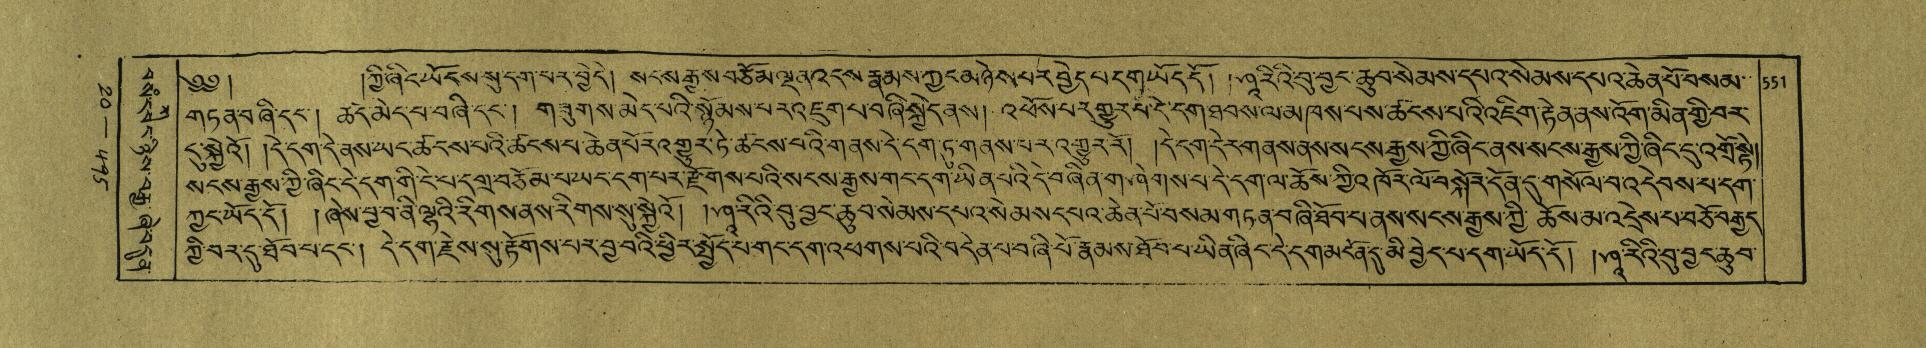༄༅། །ཀྱི་ཞིང་ཡོངས་སུ་དག་པར་བྱེདེ། སངས་རྒྱས་བཅོམ་ལྡན་འདས་རྣམས་ཀྱང་མཉེས་པར་བྱེད་པ་དག་ཀྱང་ཡོད་དོ། །ཤཱ་རིའི་བུ་བྱང་ཆུབ་སེམས་དཔའ་སེམས་དཔའ་ཆེན་པོ་བསམ་
གཏན་བཞི་དང་། ཚད་མེད་པ་བཞི་དང་། གཟུགས་མེད་པའི་སྙོམས་པར་འཇུག་པ་བཞི་སྐྱེད་ནས། འཕོས་པར་གྱུར་པ་དེ་དག་ཐབས་ལ་མཁས་པས་ཚངས་པའི་འཇིག་རྟེན་ནས་འོག་མིན་གྱི་བར་
དུ་སྐྱེའོ། །དེ་དག་དེ་ནས་ཡང་ཚངས་པའི་ཚངས་པ་ཆེན་པོར་འགྱུར་ཏེ་ཚངས་པའི་གནས་དེ་དག་ཏུ་གནས་པར་འགྱུར་རོ། །དེ་དག་དེར་གནས་ནས་སངས་རྒྱས་ཀྱི་ཞིང་ནས་སངས་རྒྱས་ཀྱི་ཞིང་དུ་འགྲོ་སྟེ།
སངས་རྒྱས་ཀྱི་ཞིང་དེ་དག་གི་དེ་པ་དགྲ་བཅོམ་པ་ཡང་དག་པར་རྫོགས་པའི་སངས་རྒྱས་གང་དག་ཡིན་པའི་དེ་བཞིན་གཤེགས་པ་དེ་དག་ལ་ཆོས་ཀྱི་འཁོར་ལོ་བསྐོར་དོན་དུ་གསོལ་བ་འདེབས་པ་དག་
ཀྱང་ཡོད་དོ། །ཞེས་བྱ་བ་ནི་ལྷའི་རིགས་ནས་རིགས་སུ་སྐྱེའོ། །ཤཱ་རིའི་བུ་བྱང་ཆུབ་སེམས་དཔའ་སེམས་དཔའ་ཆེན་པོ་བསམ་གཏན་བཞི་ཐོབ་པ་ནས་སངས་རྒྱས་ཀྱི་ཆོས་མ་འདྲེས་པ་བཅོ་བརྒྱད་
ཀྱི་བར་དུ་ཐོབ་པ་དང་། དེ་དག་རྗེས་སུ་རྟོགས་པར་བྱ་བའི་ཕྱིར་སྤྱོད་པ་གང་དག་འཕགས་པའི་བདེན་པ་བཞི་པོ་རྣམས་ཐོབ་པ་ཡིན་ཞིང་དེ་དག་མངོན་དུ་མི་བྱེད་པ་དག་ཡོད་དོ། །ཤཱ་རིའི་བུ་བྱང་ཆུབ་